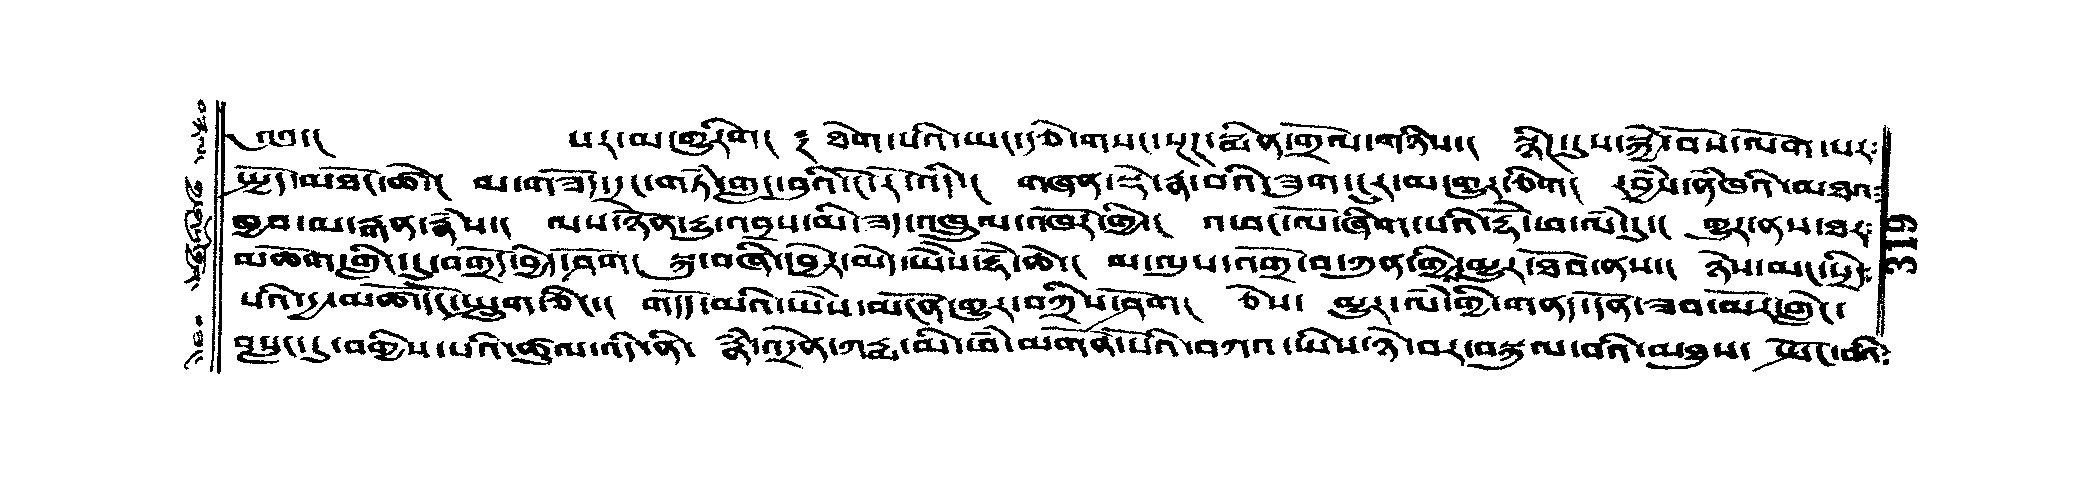པར་མ་གྱུར་ཅིག །ཐེག་པའི་ཡང་རྩེ་གསང་སྔགས་སྨིན་གྲོལ་གཉིས། །སྙིགས་དུས་སྐྱེ་བོས་ལོག་པར་
སྤྱོད་མཐོང་ཚེ། །མ་གཟོད་དྲང་གཏམ་གླང་བུའི་ང་རོ་འདི། །གཞན་སྡེ་རྣ་བའི་ཟུག་རྔུར་མ་གྱུར་ཅིག །རབ་འབྱམས་ནམ་མཁའི་མཐའ་
ཁྱབ་མ་རྒན་རྣམས། །ལས་ཉོན་རྒྱུ་འབྲས་མི་ཟད་འཁྲུལ་འཁོར་གྱི། །འཕང་ལོ་ཞིག་པའི་རྡོ་རྗེ་ཕ་ལམ་དུ། །གྱུར་ནས་ཐར་
མཆོག་གླིང་དུ་བགྲོད་བྱེད་ཤོག།སྐུ་བཞི་དབྱེར་མེད་ཡེ་ཤེས་རྡོ་རྗེ་ཆེ། །མ་ལུས་འགྲོ་བ་ཀུན་གྱིས་མྱུར་ཐོབ་ནས་། །ཉེས་མང་སྲིད་
པའི་རྒྱ་མཚོ་དོང་སྤྲུག་ཅིང་། །གདོད་མའི་ཡེ་ཤེས་མངོན་གྱུར་བཀྲ་ཤིས་ཤོག ཅེས་མྱུར་ལམ་གྱི་གནད་དོན་ཟབ་མོར་གླེང་
བསླང་དུ་བགྱིས་པའི་ཚུལ་འདི་ནི། རྣམ་འདྲེན་ཀརྨ་མི་ཕམ་མགོན་པོའི་བཀའ་ཡིས་ཉེ་བར་བསྐུལ་བའི་མཐུས། སྤོང་བའི་